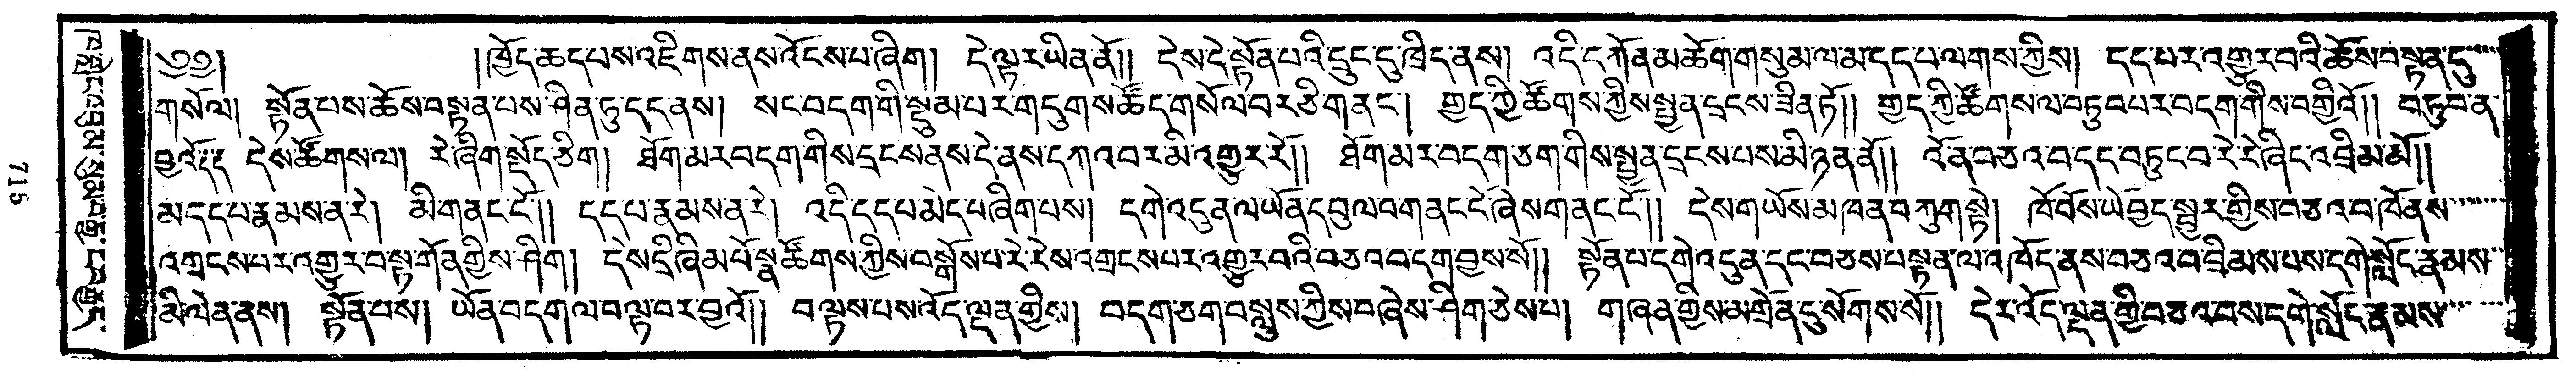༄༅། །ཁྱོད་ཆད་པས་འཇིགས་ནས་འོངས་པ་ཞིག། དེ་ལྟར་ཡིན་ནོ།། དེས་དེ་སྟོན་པའི་དྲུང་དུ་ཁྲིད་ནས། འདི་དཀོན་མཆོག་གསུམ་ལ་མ་དད་པ་ལགས་ཀྱིས། དད་པར་འགྱུར་བའི་ཆོས་བསྟན་དུ་
གསོལ། སྟོན་པས་ཆོས་བསྟན་པས་ཤིན་ཏུ་དད་ནས། སང་བདག་གི་སྡུམ་པར་གདུགས་ཚོད་གསོལ་བར་ཅི་གནང་། གྱད་ཀྱི་ཚོགས་ཀྱིས་སྤྱན་དྲངས་ཟིན་ཏོ།། གྱད་ཀྱི་ཚོགས་ལ་བཏུབ་པར་བདག་གིས་བགྱིའོ།། བཏུབ་ན་
བྱའོ༑༑ དེས་ཚོགས་ལ། རེ་ཞིག་སྡོད་ཅིག། ཐོག་མར་བདག་གིས་དྲངས་ནས་དེ་ནས་དཀའ་བར་མི་འགྱུར་རོ།། ཐོག་མར་བདག་ཅག་གིས་སྤྱན་དྲངས་པས་མི་ཉན་ནོ།། འོ་ན་བཅའ་བ་དང་བཏུང་བ་རེ་རེ་ཞིང་འབྲིམ་མོ།།
མ་དད་པ་རྣམས་ན་རེ། མི་གནང་ངོ།། དད་པ་རྣམས་ན་རེ། འདི་དད་པ་མེད་པ་ཞིག་པས། དགེ་འདུན་ལ་ཡོན་དབུལ་བ་གནང་ངོ་ཞེས་གནང་ངོ།། དེས་གཡོས་མཁན་བཀུག་སྟེ། ཁོ་བོས་ཡོ་བྱད་སྦྱར་གྱིས་བཅའ་བ་ཁོ་ནས་
འགྲངས་པར་འགྱུར་བ་སྟ་གོན་གྱིས་ཤིག། དེས་དྲི་ཞིམ་པོ་སྣ་ཚོགས་ཀྱིས་བསྒོས་པ་རེ་རེས་འགྲངས་པར་འགྱུར་བའི་བཅའ་བ་དག་བྱས་སོ།། སྟོན་པ་དགེ་འདུན་དང་བཅས་པ་སྟན་ལ་འཁོད་ནས་བཅའ་བ་བྲིམས་པས་དགེ་སློང་རྣམས་
མི་ལེན་ནས། སྟོན་པས། ཡོན་བདག་ལ་བལྟ་བར་བྱའོ།། བལྟས་པས་འོད་ལྡན་གྱིས། བདག་ཅག་བསླུས་ཀྱིས་བཞེས་ཤིག་ཅེས་པ། གཞན་གྱིས་མགྲོན་དུ་སོགས་སོ།། དེར་འོད་ལྡན་གྱི་བཅའ་བས་དགེ་སློང་རྣམས་